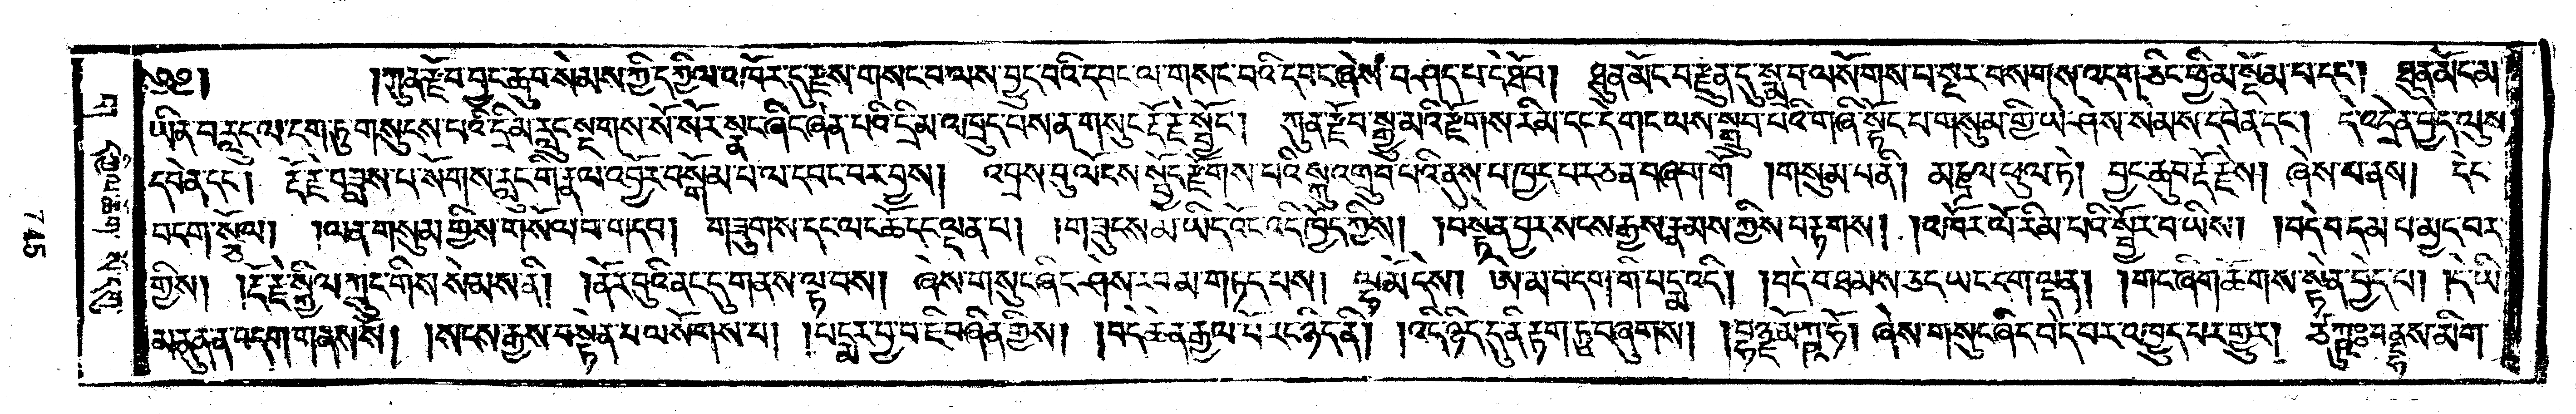༄༅། །ཀུན་རྫོབ་བྱང་ཆུབ་སེམས་ཀྱི་དཀྱིལ་འཁོར་དུ་རྫས་གསང་བ་ལས་བྱུང་བའི་དབང་ལ་གསང་བའི་དབང་ཞེས་བཤད་པ་དེ་ཐོབ། ཐུན་མོང་བརྫུན་དུ་སྨྲ་བ་ལ་སོགས་པ་སྔར་བསགས་འདག་ཅིང་ཕྱི་མ་སྡོམ་པ་དང་། ཐུན་མོང་མ་
ཡིན་བ་རླུང་ལ་ངག་ཏུ་གསུངས་པའི་དྲི་མ་རླུང་སྔགས་སོ་སོར་སྣང་ཞིང་ཞེན་པའི་དྲི་མ་འཁྲུད་པས་ན་གསུང་རྡོ་རྗེ་སྦྱོང་། ཀུན་རྫོབ་སྒྱུ་མའི་རྫོགས་རིམ་དང་དེ་གང་ལས་སྒྲུབ་པའི་གཞི་སྟོང་པ་གསུམ་གྱི་ཡེ་ཤེས་སེམས་དབེན་དང་། དེ་འདྲེན་བྱེད་ལུས་
དབེན་དང་། རྡོ་རྗེ་བཟླས་པ་སོགས་རླུང་གི་རྣལ་འབྱོར་བསྒོམ་པ་ལ་དབང་བར་བྱས། འབྲས་བུ་ལོངས་སྤྱོད་རྫོགས་པའི་སྐུ་འགྲུབ་པའི་ནུས་པ་ཁྱད་པར་ཅན་བཞག་གོ །གསུམ་པ་ནི། མཎྜལ་ཕུལ་ཏེ། བྱང་ཆུབ་རྡོ་རྗེས། ཞེས་པ་ནས། དེང་
བདག་སྩོལ། །ལན་གསུམ་གྱིས་གསོལ་བ་གདབ། གཟུགས་དང་ལང་ཆོ་དང་ལྡན་པ། །གཟུགས་མ་ཡིད་འོང་འདི་ཁྱོད་ཀྱིས། །བསྟེན་བྱར་སངས་རྒྱས་རྣམས་ཀྱིས་བརྟགས། །འཁོར་ལོ་རིམ་པའི་སྦྱོར་བ་ཡིས། །བདེ་བ་དམ་པ་མྱང་བར་
གྱིས། །རྡོ་རྗེ་སྐྱིལ་ཀྲུང་གིས་སེམས་ནི། །ནོར་བུའི་ནང་དུ་གནས་ལྟ་བས། ཞེས་གསུང་ཞིང་ཤེས་རབ་མ་གཏད་པས། ལྷ་མོ་དེས། ཨེ་མ་བདག་གི་པདམ་འདི། །བདེ་བ་ཐམས་ཅད་ཡང་དག་ལྡན། །གང་ཞིག་ཚོགས་སྟེན་བྱེད་པ། །དེ་ཡི་
མནུན་ན་བདག་གནས་སོ། །སངས་རྒྱས་བསྟེན་པ་ལ་སོགས་པ། །པདམར་བྱ་བ་ཇི་བཞིན་གྱིས། །བདེ་ཆེན་རྒྱལ་པོ་རང་ཉིད་ནི། །འདི་ཉིད་དུ་ནི་རྟག་ཏུ་བཞུགས། །བྷཉྫ་མོཀྵ་ཧོ། ཞེས་གསུང་ཞིང་བདེ་བར་འཁྱུད་པར་གྱུར། ཙཀྵུཿབནྡྷས་མིག་